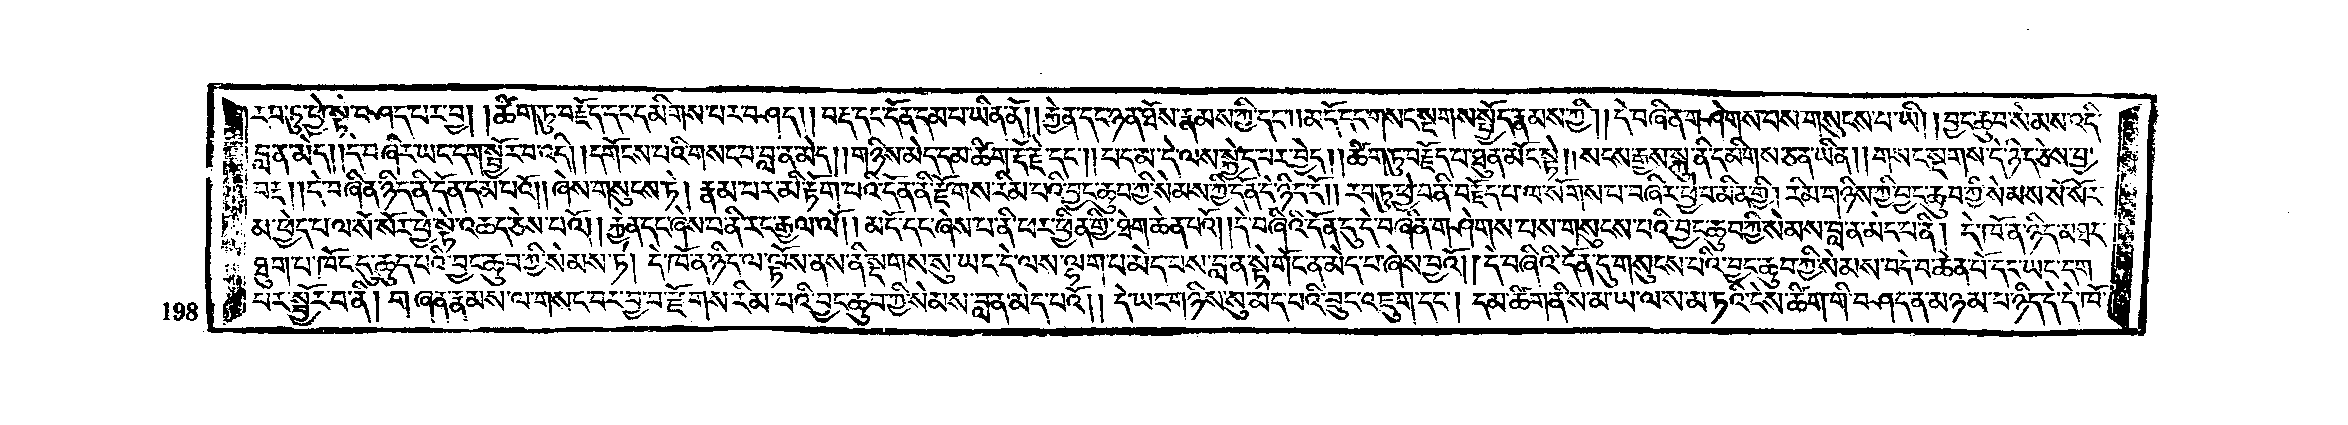རབ་ཏུ་ཕྱེ་སྟེ་བཤད་པར་བྱ། །ཚིག་ཏུ་བརྗོད་དང་དམིགས་པར་བཤད། །བརྡ་དང་དོན་དམ་པ་ཡིན་ནོ། །རྐྱེན་དང་ཉན་ཐོས་རྣམས་ཀྱི་དང་། །མདོ་དང་གསང་སྔགས་སྤྱོད་རྣམས་ཀྱི། །དེ་བཞིན་གཤེགས་པས་གསུངས་པ་ཡི། །བྱང་ཆུབ་སེམས་འདི་
བླ་ན་མེད། །དེ་བཞིར་ཡང་དག་སྦྱོར་བ་འདི། །དགོངས་པའི་གསང་བ་བླ་ན་མེད། །གཉིས་མེད་དམ་ཚིག་རྡོ་རྗེ་དང་། །པད་མ་དེ་ལས་སྐྱེད་པར་བྱེད། །ཚིག་ཏུ་བརྗོད་པ་ཐུན་མོང་སྟེ། །སངས་རྒྱས་སྐུ་ནི་དམིགས་ཅན་ཡིན། །གསང་སྔགས་དེ་ཉིད་ཅེས་བྱ་
བརྡ། །དེ་བཞིན་ཉིད་ནི་དོན་དམ་པའོ། །ཞེས་གསུངས་ཏེ། རྣམ་པར་མི་རྟོག་པའི་དོན་ནི་རྫོགས་རིམ་པའི་བྱང་ཆུབ་ཀྱི་སེམས་ཀྱི་དོན་དེ་ཉིད་དོ། །རབ་ཏུ་ཕྱེ་བ་ནི་བརྗོད་པ་ལ་སོགས་པ་བཞིར་ཕྱེ་བ་མིན་གྱི། རིམ་གཉིས་ཀྱི་བྱང་ཆུབ་ཀྱི་སེམས་སོ་སོར་
མ་ཕྱེད་པ་ལ་སོ་སོར་ཕྱེ་སྟེ་འཆད་ཅེས་པའོ། །རྐྱེན་དང་ཞེས་པ་ནི་རང་རྒྱལ་ལོ། །མདོ་དང་ཞེས་པ་ནི་ཕར་ཕྱིན་གྱི་ཐེག་ཆེན་པའོ། །དེ་བཞིའི་དོན་དུ་དེ་བཞིན་གཤེགས་པས་གསུངས་པའི་བྱང་ཆུབ་ཀྱི་སེམས་བླ་ན་མེད་པ་ནི། དེ་ཁོ་ན་ཉིད་མཐར་
ཐུག་པ་ཁོང་དུ་ཆུད་པའི་བྱང་ཆུབ་ཀྱི་སེམས་ཏེ། དེ་ཁོ་ན་ཉིད་ལ་ལྟོས་ནས་ནི་སྔགས་སུ་ཡང་དེ་ལས་ལྷག་པ་མེད་པས་བླ་ན་སྟེ་གོང་ན་མེད་པ་ཞེས་བྱའོ། །དེ་བཞིའི་དོན་དུ་གསུངས་པའི་བྱང་ཆུབ་ཀྱི་སེམས་བདེ་བ་ཆེན་པོ་དང་ཡང་དག་
པར་སྦྱོར་བ་ནི། གཞན་རྣམས་ལ་གསང་བར་བྱ་བ་རྫོགས་རིམ་པའི་བྱང་ཆུབ་ཀྱི་སེམས་བླ་ན་མེད་པའོ། །དེ་ཡང་གཉིས་སུ་མེད་པའི་ཟུང་འཇུག་དང་། དམ་ཚིག་ནི་ས་མ་ཡ་ལ་ས་མ་ཏའི་ངེས་ཚིག་གི་བཤད་ན་མཉམ་པ་ཉིད་དེ་དེ་ཁོ་